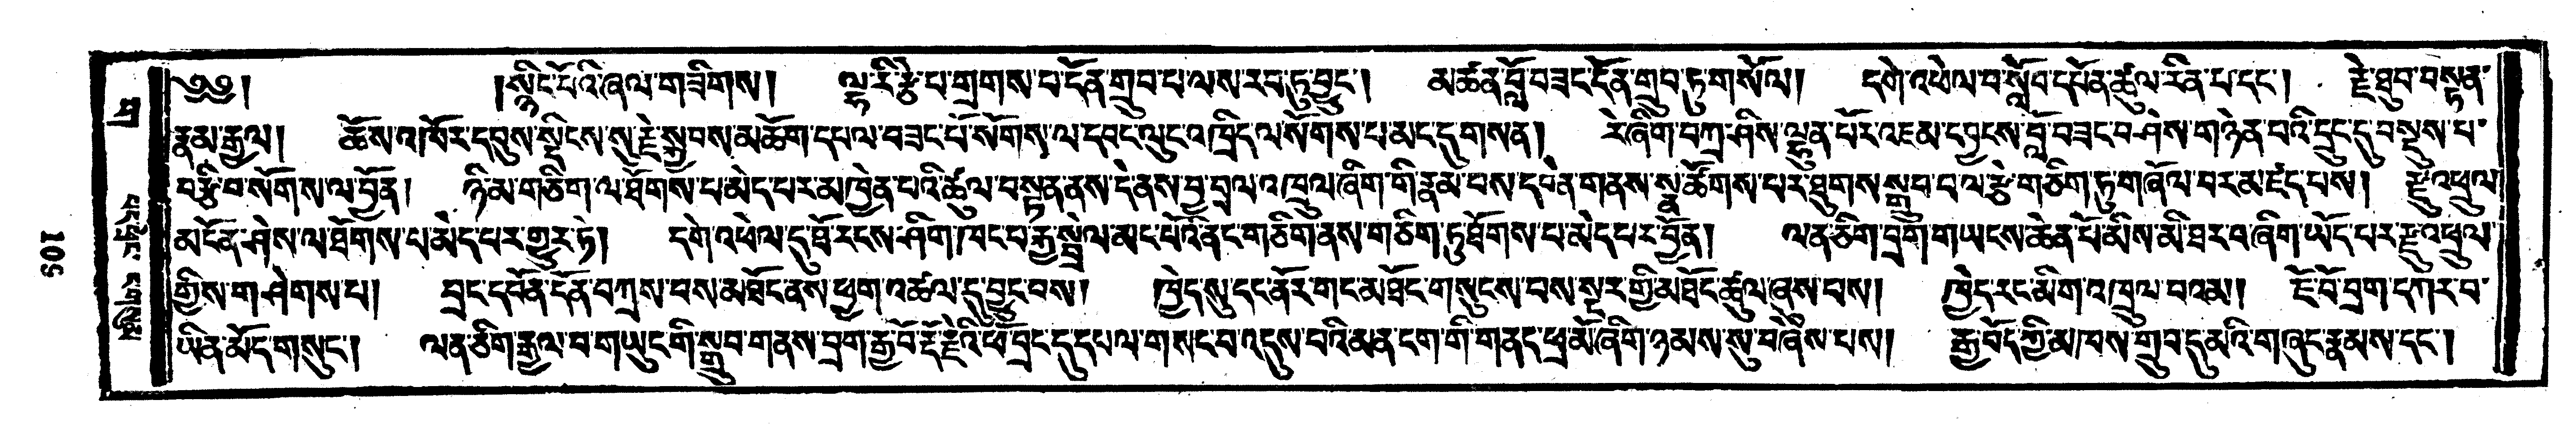༄༅། །སྙིང་པོའི་ཞལ་གཟིགས། ལྷ་རི་རྩེ་པ་གྲགས་པ་དོན་གྲུབ་པ་ལས་རབ་ཏུ་བྱུང་། མཚན་བློ་བཟང་དོན་གྲུབ་ཏུ་གསོལ། དགེ་འཕེལ་བ་སློབ་དཔོན་ཚུལ་རིན་པ་དང་། རྗེ་ཐུབ་བསྟན་
རྣམ་རྒྱལ། ཆོས་འཁོར་དབུས་སྡིངས་སུ་རྗེ་སྐྱབས་མཆོག་དཔལ་བཟང་པོ་སོགས་ལ་དབང་ལུང་འཁྲིད་ལ་སོགས་པ་མང་དུ་གསན། རེ་ཞིག་བཀྲ་ཤིས་ལྷུན་པོར་འཇམ་དབྱངས་བློ་བཟང་བཤེས་གཉེན་པའི་དྲུང་དུ་བསྡུས་པ་
བརྩི་བ་སོགས་ལ་བྱོན། ཉི་མ་གཅིག་ལ་ཐོགས་པ་མེད་པར་མཁྱེན་པའི་ཚུལ་བསྟན་ནས་དེ་ནས་བྱ་བྲལ་འཁྲུལ་ཞིང་གི་རྣམ་པས་དབེན་གནས་སྣ་ཚོགས་པར་ཐུགས་སྒྲུབ་པ་ལ་རྩེ་གཅིག་ཏུ་གཞོལ་བར་མཛད་པས། རྫུ་འཕྲུལ་
མངོན་ཤེས་ལ་ཐོགས་པ་མེད་པར་གྱུར་ཏེ། དགེ་འཕེལ་དུ་ཐོ་རངས་ཤིག་ཁང་པ་རྒྱ་སྦྲེལ་མང་པོའི་ནང་གཅིག་ནས་གཅིག་ཏུ་ཐོགས་པ་མེད་པར་བྱོན། ལན་ཅིག་བྲག་གཡངས་ཆེན་པོ་མིས་མི་ཐར་བ་ཞིག་ཡོད་པར་རྫུ་འཕྲུལ་
གྱིས་གཤེགས་པ། བྲང་དབོན་དོན་བཀྲས་བས་མཐོང་ནས་ཕྱག་འཚལ་དུ་བྱུང་བས། ཁྱེད་སུ་དང་ནོར་གང་མཐོང་གསུངས་པས་སྔར་གྱི་མཐོང་ཚུལ་ཞུས་པས། ཁྱེད་རང་མིག་འཁྲུལ་པའམ། ཇོ་བོ་བྲག་དཀར་བ་
ཡིན་མོད་གསུང་། ལན་ཅིག་རྒྱལ་བ་གཡུང་གི་སྒྲུབ་གནས་བྲག་རྒྱ་བོ་རྡོ་རྗེའི་ཕོ་བྲང་དུ་དཔལ་གསང་བ་འདུས་པའི་མན་ངག་གི་གནད་ཕྲ་མོ་ཞིག་ཉམས་སུ་བཞེས་པས། རྒྱ་བོད་ཀྱི་མཁས་གྲུབ་དུ་མའི་གཞུང་རྣམས་དང་།